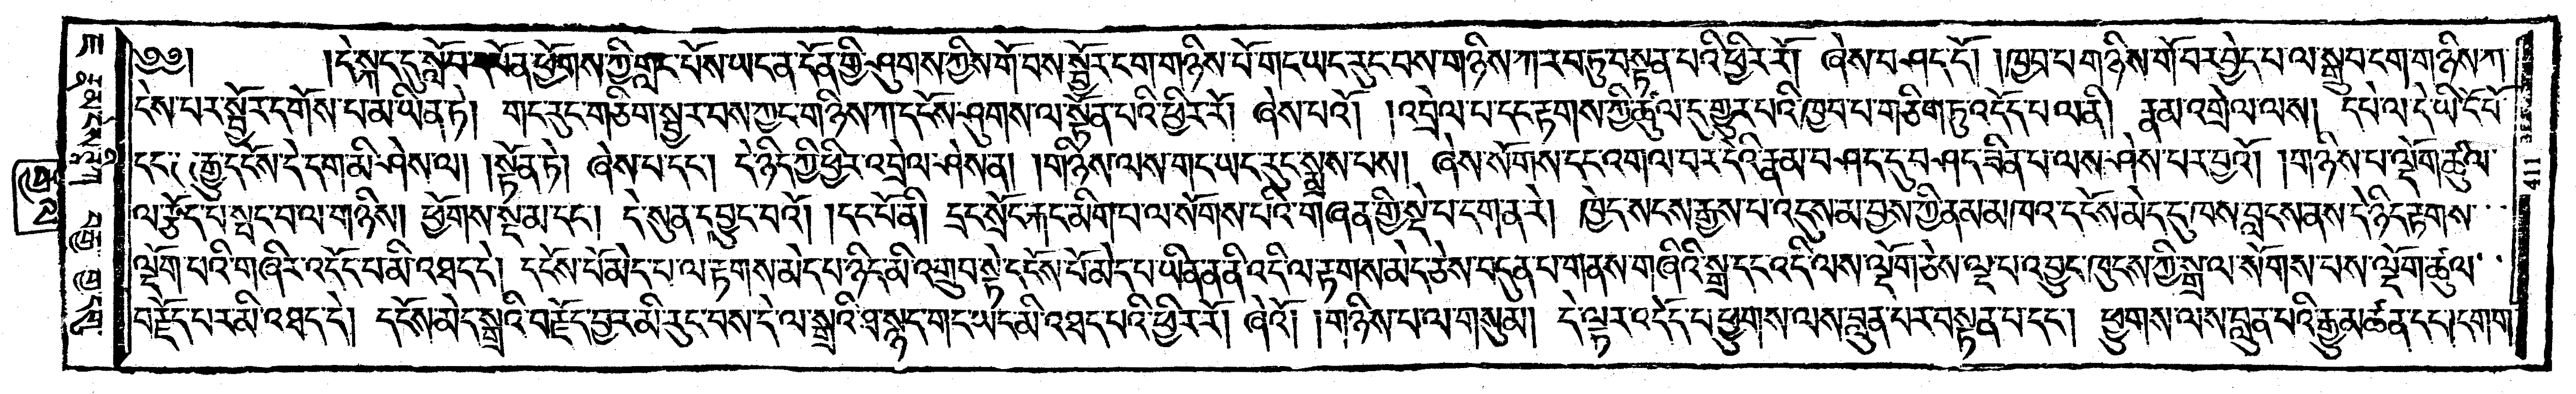༄༅། །དེ་སྐད་དུ་སློབ་དཔོན་ཕྱོགས་ཀྱི་གླང་པོས་ཡང་ན་དོན་གྱི་ཤུགས་ཀྱིས་གོ་བས་སྦྱོར་ངག་གཉིས་པོ་གང་ཡང་རུང་བས་གཉིས་ཀ་རབ་ཏུ་བསྟན་པའི་ཕྱིར་རོ། ཞེས་བཤད་དོ། །ཁྱབ་པ་གཉིས་གོ་བར་བྱེད་པ་ལ་སྒྲུབ་ངག་གཉིས་ཀ་
ངེས་པར་སྦྱོར་དགོས་པ་མ་ཡིན་ཏེ། གང་རུང་གཅིག་སྦྱར་བས་ཀྱང་གཉིས་ཀ་དངོས་ཤུགས་ལ་སྟོན་པའི་ཕྱིར་རོ། ཞེས་པའོ། །འབྲེལ་པ་དང་རྟགས་ཀྱི་ཚུལ་དུ་གྱུར་པའི་ཁྱབ་པ་གཅིག་ཏུ་འདོད་པ་ལ་ནི། རྣམ་འགྲེལ་ལས། དཔེ་ལ་དེ་ཡི་ངོ་བོ་
དང་། །རྒྱུ་དངོས་དེ་དག་མི་ཤེས་ལ། །སྟོན་ཏེ། ཞེས་པ་དང་། དེ་ཉིད་ཀྱི་ཕྱིར་འབྲེལ་ཤེས་ན། །གཉིས་ལས་གང་ཡང་རུང་སྨྲས་པས། ཞེས་སོགས་དང་འགལ་བར་དེའི་རྣམ་བཤད་དུ་བཤད་ཟིན་པ་ལས་ཤེས་པར་བྱའོ། །གཉིས་པ་ལྡོག་ཚུལ་
ལ་རྩོད་པ་སྤང་བ་ལ་གཉིས། ཕྱོགས་སྔ་མ་དང་། དེ་སུན་དབྱུང་བའོ། །དང་པོ་ནི། དྲང་སྲོང་རྐང་མིག་པ་ལ་སོགས་པའི་གཞན་གྱི་སྡེ་པ་དག་ན་རེ། ཁྱེད་སངས་རྒྱས་པ་འདུས་མ་བྱས་ཀྱི་ནམ་མཁའ་དངོས་མེད་དུ་ཁས་བླངས་ནས་དེ་ཉིད་རྟགས་
ལྡོག་པའི་གཞིར་འདོད་པ་མི་འཐད་དེ། དངོས་པོ་མེད་པ་ལ་རྟགས་མེད་པ་ཉིད་མི་འགྲུབ་སྟེ་དངོས་པོ་མེད་པ་ཡིན་ན་ནི་འདི་ལ་རྟགས་མེད་ཅེས་བདུན་པ་གནས་གཞིའི་སྒྲ་དང་འདི་ལས་ལྡོག་ཅེས་ལྔ་པ་འབྱུང་ཁུངས་ཀྱི་སྒྲ་ལ་སོགས་པས་ལྡོག་ཚུལ་
བརྗོད་པར་མི་འཐད་དེ། དངོས་མེད་སྒྲའི་བརྗོད་བྱར་མི་རུང་བས་དེ་ལ་སྒྲའི་ཐ་སྙད་གང་ཡང་མི་འཐད་པའི་ཕྱིར་རོ། ཞེའོ། །གཉིས་པ་ལ་གསུམ། དེ་ལྟར་འདོད་པ་ཕྱུགས་ལས་བླུན་པར་བསྟན་པ་དང་། ཕྱུགས་ལས་བླུན་པའི་རྒྱུ་མཚན་དང་། དགག་